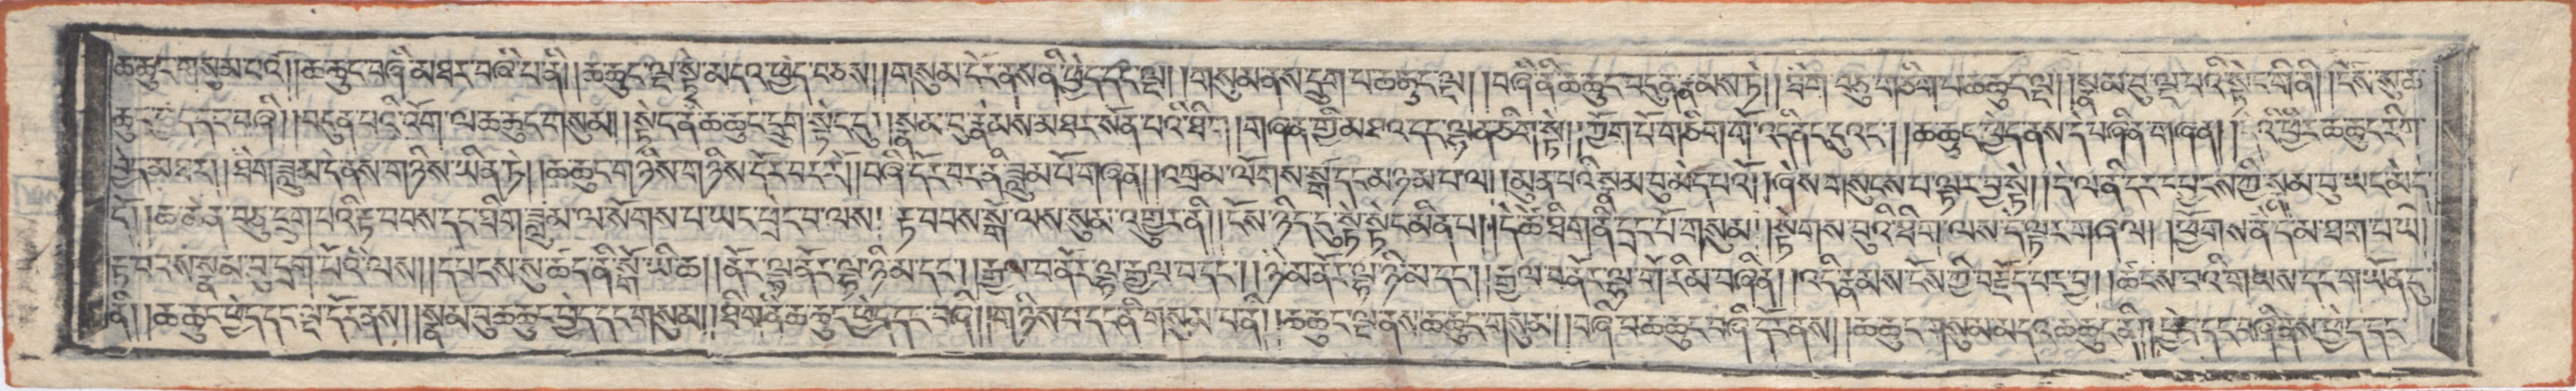ཆ་ཆུང་གསུམ་པའོ། །ཆ་ཆུང་བཞི་མཐར་བཞི་པ་ནི། །ཆ་ཆུང་ལྔ་སྟེ་མདའ་ཕྱེད་བཅས། །གསུམ་དོར་ནས་ནི་ཕྱེད་དང་ལྔ། །གསུམ་ནས་དྲུག་པ་ཆ་ཆུང་ལྔ། །བཞི་ནི་ཆ་ཆུང་བདུན་རྣམས་ཏེ། །ཐིག་བཅུ་གཅིག་པ་ཆ་ཆུང་ལྔ། །སྣམ་བུ་ལྔ་པའི་སྟེང་གི་ནི། །ངོས་སུ་ཆ་
ཆུང་ཕྱེད་དང་བཞི། །བདུན་པའི་འོག་ལ་ཆ་ཆུང་གསུམ། །སྟེང་ནི་ཆ་ཆུང་དྲུག་སྟེང་དུ། །སྣམ་བུ་རྣམས་མཐར་སོན་པའི་ཐིག །གཞན་གྱི་མཐའ་དང་ལྷན་ཅིག་སྟེ། །ཀྱོག་པོ་གཅིག་གོ་འདི་ནང་དུའང་། །ཆ་ཆུང་ཕྱེད་ནས་དེ་བཞིན་གཞན། །དེའི་ཕྱིར་ཆ་ཆུང་རིག་
བྱེད་མཐར། །ཐིག་ཟླུམ་དེ་ནས་གཉིས་ཡིན་ཏེ། །ཆ་ཆུང་གཉིས་གཉིས་དོར་བར་རོ། །བཞི་དོར་བར་ནི་ཟླུམ་པོ་གཞན། །འགྲམ་ལོགས་སྒོ་དང་མཉམ་པ་ལ། །མུན་པའི་སྣམ་བུ་མེད་པའོ། །ཞེས་གསུངས་པ་ལྟར་བྱ་སྟེ། །དེ་ལ་ནི་དར་དཔྱངས་ཀྱི་སྣམ་བུ་ཡང་མེད་
དོ། །ཆ་ཆེན་བཅུ་དྲུག་པའི་རྟ་བབས་དང་ཐིག་ཟླུམ་ལ་སོགས་པ་ཡང་ཕྲེང་བ་ལས། རྟ་བབས་སྒོ་ལས་སུམ་འགྱུར་ནི། །ངོས་ཉིད་དུ་སྟེ་སྟེང་མིན་པ། །དེ་ཚེ་ཐིག་ནི་དྲང་པོ་གསུམ། །སྟེགས་བུའི་ཐིག་ལས་དེ་ལྟར་གཞལ། །ཕྱོགས་ནི་དེ་མ་ཐག་པ་ཡི།
རྟ་བབས་སྣམ་བུ་དྲག་པོའི་ལས། །དཔངས་སུ་ཚད་ནི་སྒོ་ཡི་ཆ། །ནོར་ལྷ་ནོར་ལྷ་ཉི་མ་དང་། །རྒྱལ་བ་ནོར་ལྷ་རྒྱལ་བ་དང་། །ཉི་མ་ནོར་ལྷ་ཉི་མ་དང་། །རྒྱལ་བ་ནོར་ལྷ་གོ་རིམ་བཞིན། །འདི་རྣམས་ངོས་ཀྱི་བརྗོད་པར་བྱ། །ཚངས་པའི་གཡས་དང་གཡོན་དུ་
ནི། །ཆ་ཆུང་ཕྱེད་དང་ལྔ་དོར་ནས། །སྣམ་བུ་ཆ་ཆུང་ཕྱེད་དང་གསུམ། །ཐིག་ནི་ཆ་ཆུང་ཕྱེད་དང་བཞི། །གཉིས་པ་དང་ནི་གསུམ་པ་ནི། །ཆ་ཆུང་ལྔ་ནས་ཆ་ཆུང་གསུམ། །བཞི་པ་ཆ་ཆུང་བཞི་དོར་ནས། །ཆ་ཆུང་གསུམ་མདའ་ཆ་ཆུང་ནི། །ཕྱེད་དང་བཞི་ནས་ཕྱེད་དང་